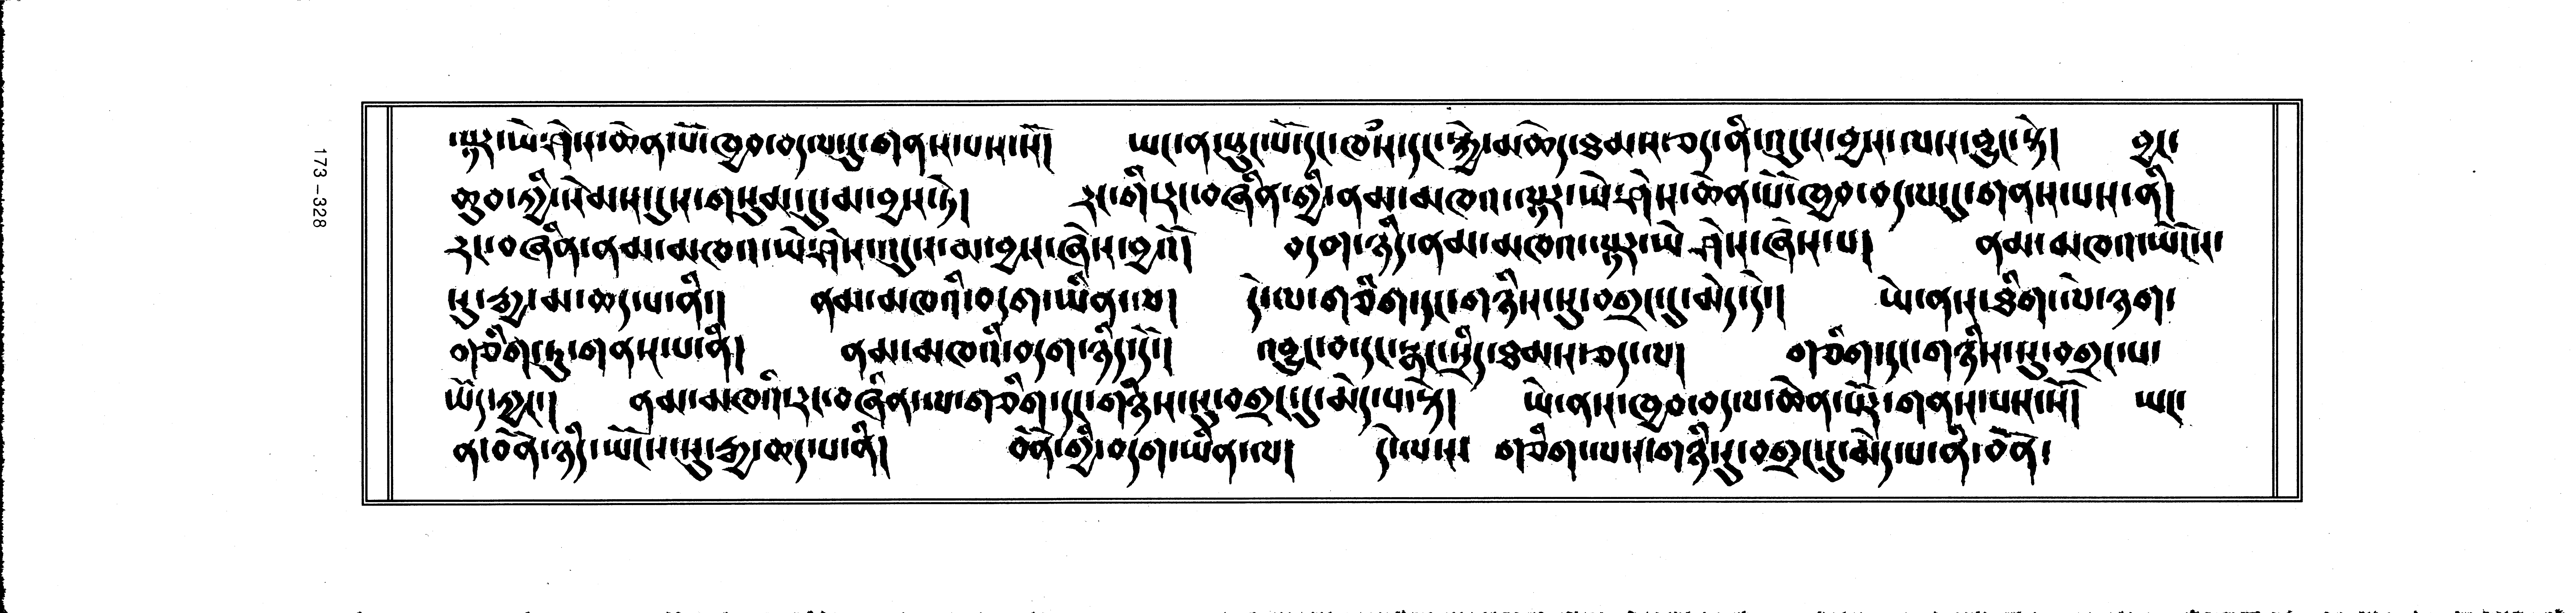ལྟར་ཡེ་ཤེས་ཆེན་པོ་ཁྱབ་བདལ་དུ་གནས་པས་སོ། །ཡང་ན་ཕུང་པོ་ཁམས་དང་སྐྱེ་མཆེད་ཐམས་ཅད་ནི་འདུས་བྱས་ལས་བྱུང་སྟེ། བྱང་
ཆུབ་ཀྱི་སེམས་དུས་གསུམ་དུ་འདུས་མ་བྱས་ཏེ། རང་གི་རང་བཞིན་གྱིས་ཡེ་ཤེས་ཆེན་པོ་ཁྱབ་བདལ་དུ་གནས་པས་ནི། 
རང་བཞིན་ནམ་མཁའ་ཡེ་ཤེས་འདུས་མ་བྱས་ཞེས་བྱའོ། །བདག་ཉིད་ནམ་མཁའ་ལྟར་ཡེ་ཤེས་ཞེས་པ། ནམ་མཁའ་ཡོངས་
སུ་རྒྱ་མ་ཆད་པ་ནི། ནམ་མཁའི་བདག་ཡིན་ལ། དེ་ལ་གཅིག་དང་གཉིས་སུ་བགྲང་དུ་མེད་དེ། ཡེ་ནས་ཐིག་ལེ་ཉག་
གཅིག་ཏུ་གནས་པ་ནི། ནམ་མཁའི་བདག་ཉིད་དོ། །འབྱང་བ་དང་སྣང་སྲིད་ཐམས་ཅད་ལ། གཅིག་དང་གཉིས་སུ་བགྲང་བ་
ཡོད་ཀྱང་། ནམ་མཁའི་རང་བཞིན་ལ་གཅིག་དང་གཉིས་སུ་བགྲང་དུ་མེད་པ་སྟེ། ཡེ་ནས་ཁྱབ་བདལ་ཆེན་པོར་གནས་པས་སོ། །ཡང་
ན་བོན་ཉིད་ཡོངས་སུ་རྒྱ་མ་ཆད་པ་ནི། བོན་གྱི་བདག་ཡིན་ལ། དེ་ལས་གཅིག་དང་གཉིས་སུ་བགྲང་དུ་མེད་པ་ནི་བོན་